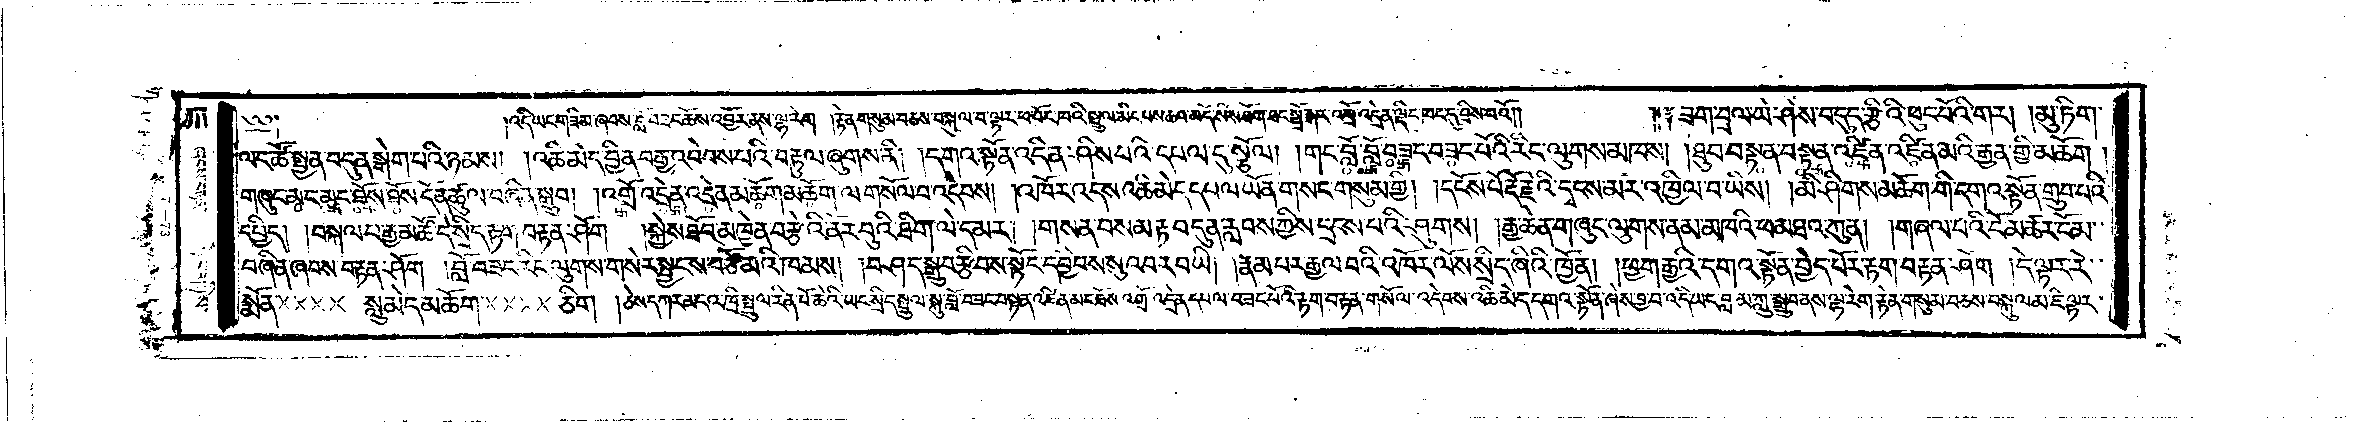༄༅། །འདི་ཡང་གཟིམ་ཞབས་བློ་བཟང་ཆོས་འབྱོར་ནས་ལྷ་རེག །རྟེན་གསུམ་བཅས་བསྐུལ་བ་ལྟར་ཕ་བོང་ཁའི་སྤྲུལ་མིང་པས་ཆབ་མདོ་སིས་ཐོག་ཐང་སྤྲོ་སྒར་འགྲོ་འདྲེན་ལྡིང་ཁང་དུ་བྲིས་པའོ།།  །། ༈ ཟག་བྲལ་ཡེ་ཤེས་བདུད་རྩིའི་ཕུང་བོའི་གར། །མུ་ཏིག་
ལང་ཚོ་སྤྱན་བདུན་སྒེག་པའི་ཉམས། །འཆི་མེད་བྱིན་བརྒྱ་འབེབས་པའི་བརྟུལ་ཞུགས་ནི། །དགའ་སྟོན་འདི་ན་ཤིས་པའི་དཔལ་དུ་སྩོལ། །གང་བློ་བློ་བཟང་བཟང་པོའི་རིང་ལུགས་མཁས། །ཐུབ་བསྟན་བསྟན་འཛིན་འཛིན་མའི་རྒྱན་གྱི་མཆོག །
གཞུང་མང་མང་ཐོས་ཐོས་དོན་ཚུལ་བཞིན་སྒྲུབ། །འགྲོ་འདྲེན་འདྲེན་མཆོག་མཆོག་ལ་གསོལ་བ་འདེབས། །འཁོར་འདས་འཆི་མེད་དཔལ་ཡོན་གསང་གསུམ་གྱི། །དངོས་པོ་རྡོ་རྗེའི་དྭངས་མར་འཁྱིལ་བ་ཡིས། །མི་ཤིགས་མཆོག་གི་དགའ་སྟོན་གྲུབ་པའི་
དཔྱིད། །བསྐལ་བ་རྒྱ་མཚོ་དེ་སྲིད་རྟག་བརྟན་ཤོག །སྐྱེས་ཐོབ་མཁྱེན་བརྩེའི་ནོར་བུའི་ཐིག་ལེ་དམར། །གསན་བསམ་རྟ་བདུན་རླབས་ཀྱིས་དྲངས་པའི་ཤུགས། །རྒྱ་ཆེན་གཞུང་ལུགས་ནམ་མཁའི་ཕ་མཐའ་ཀུན། །གཞལ་བའི་ངོ་མཚར་ངོམ་
བཞིན་ཞབས་བརྟན་ཤོག །བློ་བཟང་རིང་ལུགས་གསེར་སྦྱངས་བཙོ་མའི་ཁམས། །བཤད་སྒྲུབ་རྩིབས་སྟོང་དབྱིབས་སུ་འབར་བ་ཡི། །རྣམ་པར་རྒྱལ་བའི་འཁོར་ལོས་སྲིད་ཞིའི་ཁྱོན། །ཕྱག་རྒྱའི་དགའ་སྟོན་བྱེད་པོར་རྟག་བརྟན་ཤོག །དེ་ལྟར་རེ་
སྨོན་྾྾྾་སླུ་མེད་མཆོག་྾྾྾་ཅིག་།ཅེས་དཀར་མདའ་ཁྲི་སྤྲུལ་རིན་པོ་ཆེའི་ཡང་སྲིད་སྤྲུལ་སྐུ་བློ་བཟང་བསྟན་འཛིན་མང་ཐོས་འགྲོ་འདྲེན་དཔལ་བཟང་པོའི་རྟག་བརྟན་གསོལ་འདེབས་འཆི་མེད་དགའ་སྟོན་ཞེས་བྱ་བ་འདི་ཡང་བླ་མ་ཀླུ་སྒྲུབ་ནས་ལྷ་རེག་རྟེན་གསུམ་བཅས་བསྐུལ་མ་ཇི་ལྟར